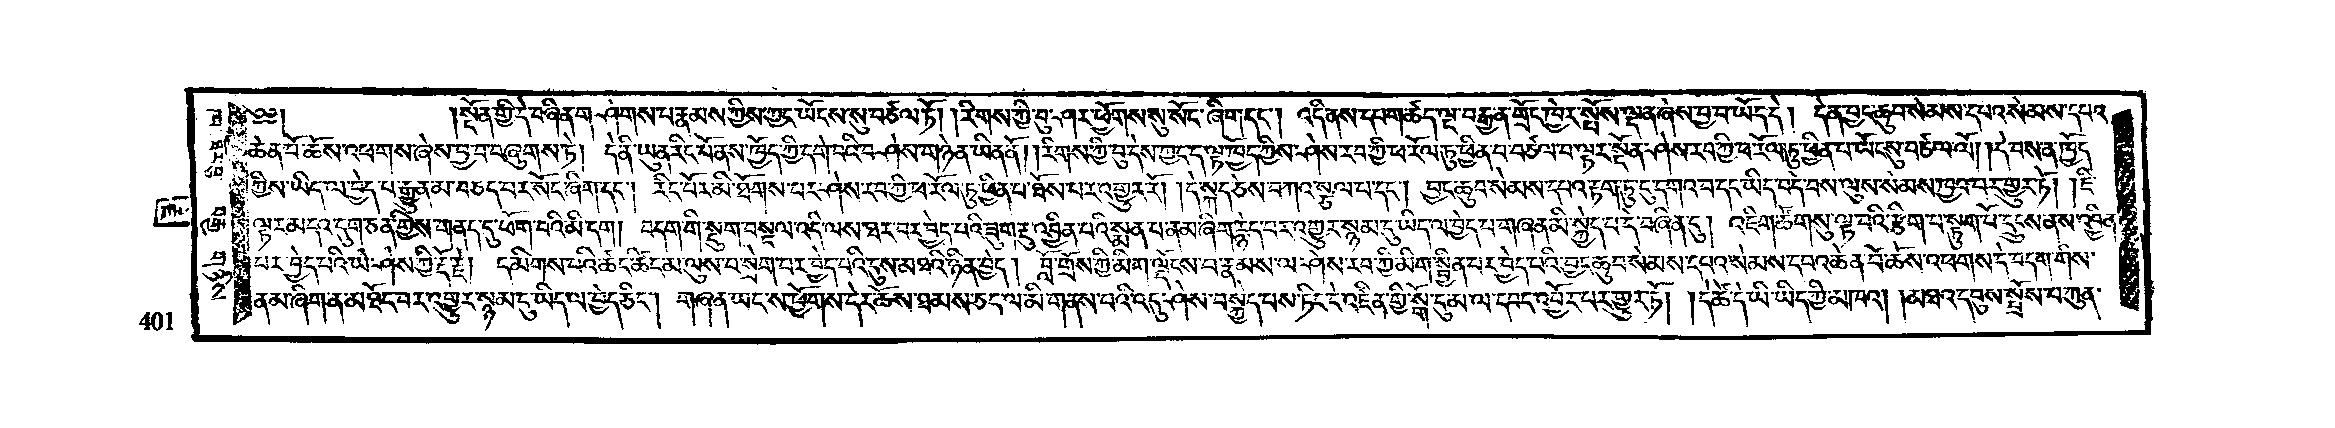༄༅། །སྔོན་གྱི་དེ་བཞིན་གཤེགས་པ་རྣམས་ཀྱིས་ཀྱང་ཡོངས་སུ་བཙལ་ཏོ། །རིགས་ཀྱི་བུ་ཤར་ཕྱོགས་སུ་སོང་ཞིག་དང་། འདི་ནས་དཔག་ཚད་ལྔ་བརྒྱན་གྲོང་ཁྱེར་སྤོས་ལྡན་ཞེས་བྱ་བ་ཡོད་དེ། དེ་ན་བྱང་ཆུབ་སེམས་དཔའ་སེམས་དཔའ་
ཆེན་པོ་ཆོས་འཕགས་ཞེས་བྱ་བ་བཞུགས་ཏེ། དེ་ནི་ཡུན་རིང་པོ་ནས་ཁྱོད་ཀྱི་དགེ་བའི་བཤེས་གཉེན་ཡིན་ནོ། །རིགས་ཀྱི་བུ་དེས་ཀྱང་ད་ལྟ་ཁྱོད་ཀྱིས་ཤེས་རབ་ཀྱི་ཕ་རོལ་ཏུ་ཕྱིན་པ་བཙལ་བ་ལྟར་སྔོན་ཤེས་རབ་ཀྱི་ཕ་རོལ་ཏུ་ཕྱིན་པ་ཡོངས་སུ་བཙལ་ལོ། །དེ་བས་ན་ཁྱོད་
ཀྱིས་ཡིད་ལ་བྱེད་པ་རྒྱུན་མ་བཅད་པར་སོང་ཞིག་དང་། རིང་པོར་མི་ཐོགས་པར་ཤེས་རབ་ཀྱི་ཕ་རོལ་ཏུ་ཕྱིན་པ་ཐོས་པར་འགྱུར་རོ། །དེ་སྐད་ཅེས་བཀའ་སྩལ་པ་དང་། བྱང་ཆུབ་སེམས་དཔའ་རྟག་ཏུ་དུ་དགའ་བ་དང་ཡིད་བདེ་བས་ལུས་སེམས་ཁྱབ་པར་གྱུར་ཏོ། །ཇི་
ལྟར་མདའ་དུག་ཅན་གྱིས་གནད་དུ་ཕོག་པའི་མི་དག །བདག་གི་སྡུག་བསྔལ་འདི་ལས་ཐར་བར་བྱེད་པའི་ཟུག་རྔུ་འབྱིན་པའི་སྨན་པ་ནམ་ཞིག་རྙེད་པར་འགྱུར་སྙམ་དུ་ཡིད་ལ་བྱེད་པ་གཞན་མི་སྐྱེད་པ་དེ་བཞིན་དུ། འཇིག་ཚོགས་སུ་ལྟ་བའི་རྩིག་པ་སྟུག་པོ་དྲུངས་ནས་འབྱིན་
པར་བྱེད་པའི་ཡེ་ཤེས་ཀྱི་རྡོ་རྗེ། དམིགས་པའི་ཚང་ཚིང་མ་ལུས་པ་སྲེག་པར་བྱེད་པའི་དུས་མཐའི་ཉིན་བྱེད། བློ་གྲོས་ཀྱི་མིག་ལྡོངས་པ་རྣམས་ལ་ཤེས་རབ་ཀྱི་མིག་སྦྱིན་པར་བྱེད་པའི་བྱང་ཆུབ་སེམས་དཔའ་སེམས་དཔའ་ཆེན་པོ་ཆོས་འཕགས་དེ་བདག་གིས་
ནམ་ཞིག་ན་མཐོང་བར་འགྱུར་སྙམ་དུ་ཡིད་ལ་བྱེད་ཅིང་། གཞན་ཡང་ས་ཕྱོགས་དེར་ཆོས་ཐམས་ཅད་ལ་མི་གནས་པའི་འདུ་ཤེས་བསྐྱེད་པས་ཏིང་ངེ་འཛིན་གྱི་སྒོ་དུ་མ་ལ་དབང་འབྱོར་པར་གྱུར་ཏོ། །དེ་ཚེ་དེ་ཡི་ཡིད་ཀྱི་མཁའ། །མཐའ་དབུས་སྤྲོས་པ་ཀུན་